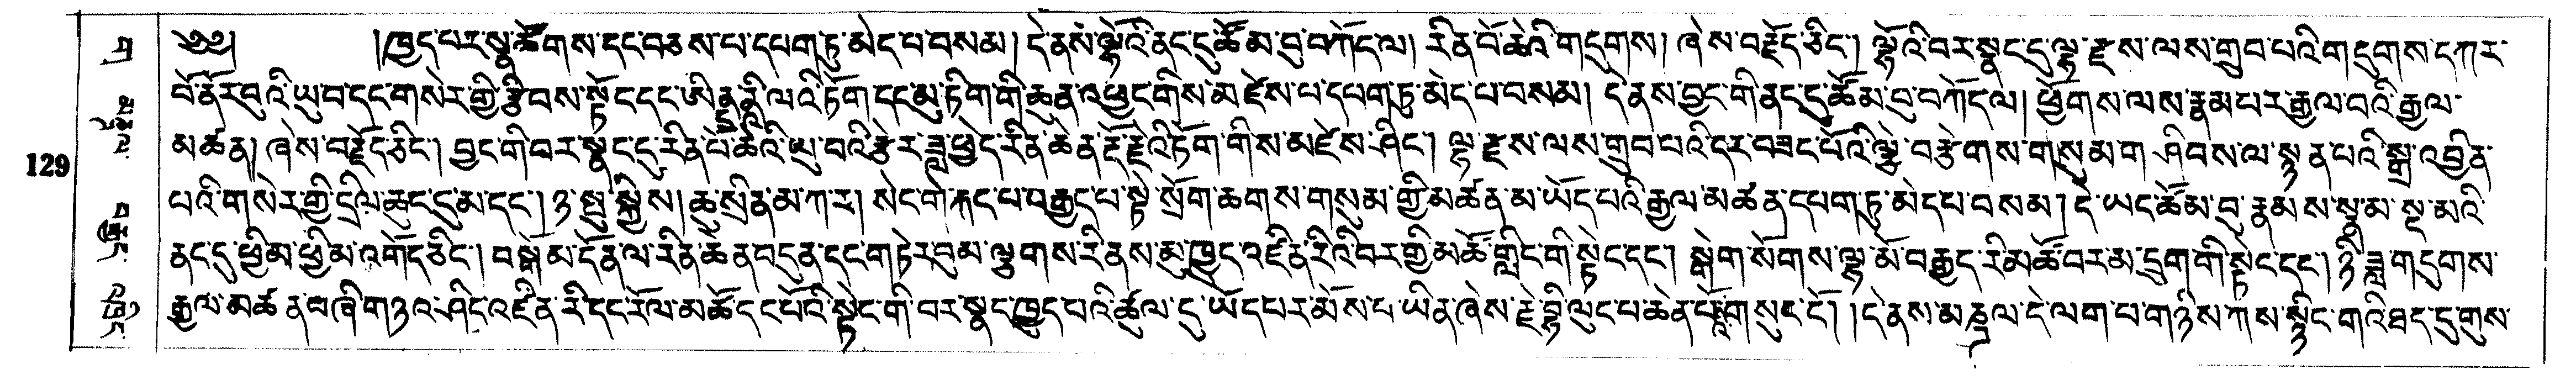༄༅། །ཁྱད་པར་སྣ་ཚོགས་དང་བཅས་པ་དཔག་ཏུ་མེད་པ་བསམ། དེ་ནས་ལྷོའི་ནང་དུ་ཚོམ་བུ་བཀོད་ལ། རིན་པོ་ཆེའི་གདུགས། ཞེས་བརྗོད་ཅིང་། ལྷོའི་བར་སྣང་དུ་ལྷ་རྫས་ལས་གྲུབ་པའི་གདུགས་དཀར་
པོ་ནོར་བུའི་ཡུ་བ་དང་གསེར་གྱི་རྩིབས་སྟོང་དང་ཨིནྡྲ་ནཱི་ལའི་ཏོག་དང་མུ་ཏིག་གི་ཆུན་འཕྱང་གིས་མཛེས་པ་དཔག་ཏུ་མེད་པ་བསམ། དེ་ནས་བྱང་གི་ནང་དུ་ཚོམ་བུ་བཀོད་ལ། ཕྱོགས་ལས་རྣམ་པར་རྒྱལ་བའི་རྒྱལ་
མཚན། ཞེས་བརྗོད་ཅིང་། བྱང་གི་བར་སྣང་དུ་རིན་པོ་ཆེའི་ཡུ་བའི་རྩེར་ཟླ་ཕྱེད་རིན་ཆེན་རྡོ་རྗེའི་ཏོག་གིས་མཛེས་ཤིང་། ལྷ་རྫས་ལས་གྲུབ་པའི་དར་བཟང་པོའི་ལྕེ་བརྩེགས་གསུམ་གཤིབས་ལ་སྙན་པའི་སྒྲ་འབྱིན་
པའི་གསེར་གྱི་དྲིལ་ཆུང་དུ་མ་དང་། ཉ་སྤུ་སྐྱིས། ཆུ་སྲིན་མ་ཀ་ར། སེང་གེ་རྐང་པ་བརྒྱད་པ་སྟེ་སྲོག་ཆགས་གསུམ་གྱི་མཚན་མ་ཡོད་པའི་རྒྱལ་མཚན་དཔག་ཏུ་མེད་པ་བསམ། དེ་ཡང་ཚོམ་བུ་རྣམས་སྣ་མ་སྔ་མའི་
ནང་དུ་ཕྱི་མ་ཕྱི་མ་འགོད་ཅིང་། བསྒོམ་དོན་ལ་རིན་ཆེན་བདུན་དང་གཏེར་བུམ་ལྕགས་རི་ནས་མུ་ཁྱུད་འཛིན་རིའི་བར་གྱི་མཚོ་གླིང་གི་སྟེང་དང་། སྒེག་སོགས་ལྷ་མོ་བརྒྱད་རི་མཚོ་བར་མ་དྲུག་གི་སྟེང་དང་། ཉི་ཟླ་གདུགས་
རྒྱལ་མཚན་བཞི་གཉའ་ཤིང་འཛིན་རི་དང་རོལ་མཚོ་དང་པོའི་སྟེང་གི་བར་སྣང་ཁྱུད་པའི་ཚུལ་དུ་ཡོད་པར་མོས་པ་ཡིན་ཞེས་རྗེ་བྷི་ལུང་པ་ཆེན་པོའི་གསུང་ངོ། །དེ་ནས་མཎྜལ་དེ་ལག་པ་གཉིས་ཀས་སྙིང་གའི་ཐད་དུ་གུས་